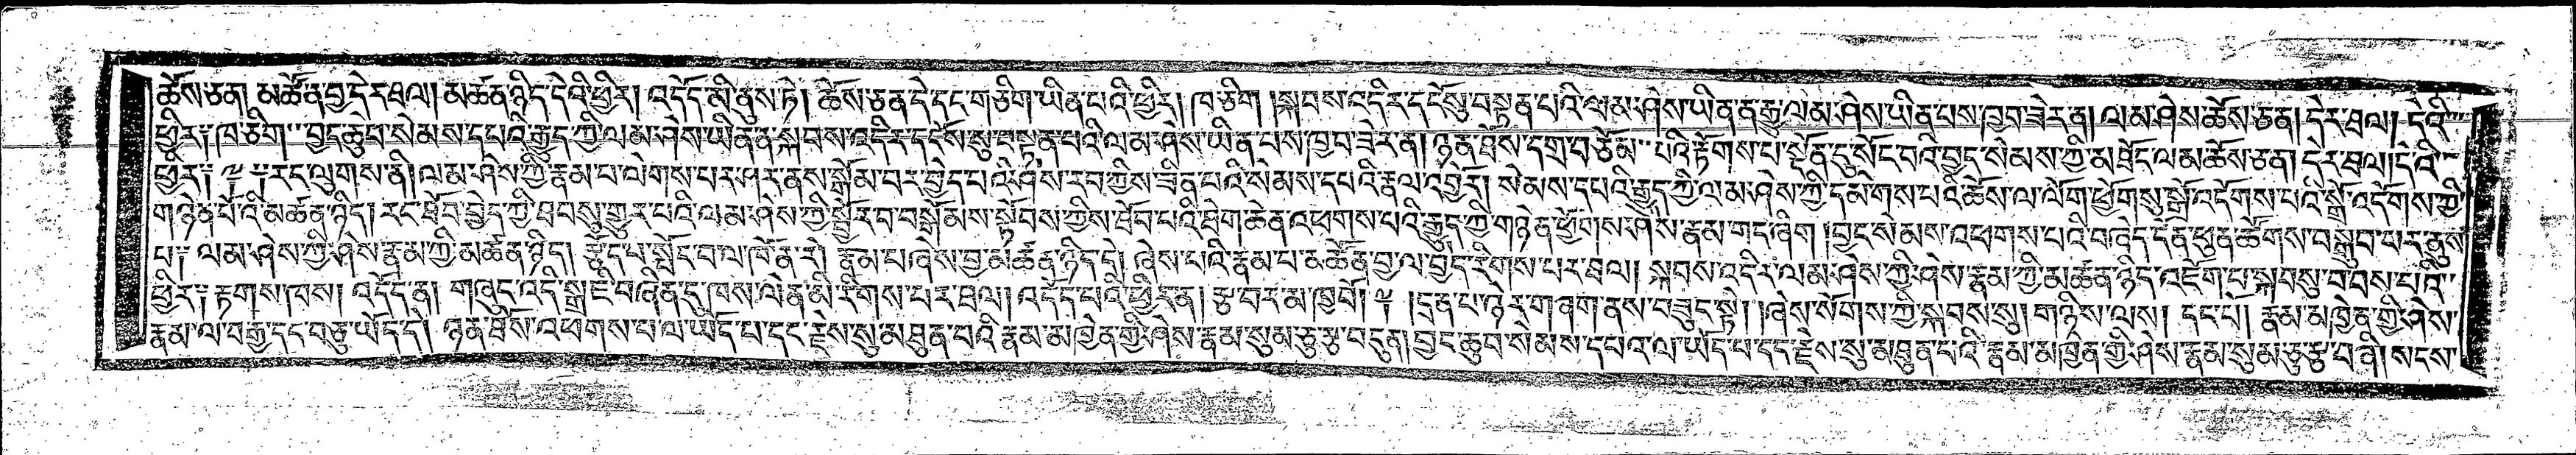ཆོས་ཅན། མཚོན་བྱ་དེར་ཐལ། མཚན་ཉིད་དེའི་ཕྱིར། འདོད་མི་ནུས་ཏེ། ཆོས་ཅན་དེ་དང་གཅིག་ཡིན་པའི་ཕྱིར། ཁ་ཅིག །སྐབས་འདིར་དངོས་སུ་བསྟན་པའི་ལམ་ཤེས་ཡིན་ན་རྒྱུ་ལམ་ཤེས་ཡིན་པས་ཁྱབ་ཟེར་ན། ལམ་ཤེས་ཆོས་ཅན། དེར་ཐལ། དེའི་
ཕྱིར༑ ཁ་ཅིག་བྱང་ཆུབ་སེམས་དཔའི་རྒྱུད་ཀྱི་ལམ་ཤེས་ཡིན་ན་སྐབས་འདིར་དངོས་སུ་བསྟན་པའི་ལམ་ཤེས་ཡིན་པས་ཁྱབ་ཟེར་ན། ཉན་ཐོས་དགྲ་བཅོམ་པའི་རྟོགས་པ་སྔོན་དུ་སོང་བའི་བྱང་སེམས་ཀྱི་མཐོང་ལམ་ཆོས་ཅན། དེར་ཐལ། དེའི་
ཕྱིར༑ ༈ ༑རང་ལུགས་ནི། ལམ་ཤེས་ཀྱི་རྣམ་པ་ལེགས་པར་ཤར་ནས་སྒོམ་པར་བྱེད་པའི་ཤེས་རབ་ཀྱིས་ཟིན་པའི་སེམས་དཔའི་རྣལ་འབྱོར། སེམས་དཔའི་རྒྱུད་ཀྱི་ལམ་ཤེས་ཀྱི་དམིགས་པའི་ཆོས་ལ་ལོག་ཕྱོགས་སུ་སྒྲོ་འདོགས་པའི་སྒྲོ་འདོགས་ཀྱི་
གཉེན་པོའི་མཚན་ཉིད། རང་ཐོབ་བྱེད་ཀྱི་ཐབས་སུ་གྱུར་པའི་ལམ་ཤེས་ཀྱི་སྦྱོར་བ་བསྒོམས་སྟོབས་ཀྱིས་ཐོབ་པའི་ཐེག་ཆེན་འཕགས་པའི་རྒྱུད་ཀྱི་གཉེན་ཕྱོགས་ཤེས་རྣམ་གང་ཞིག །བྱང་སེམས་འཕགས་པའི་བཞེད་དོན་ཕུན་ཚོགས་བསྒྲུབ་པར་ནུས་
པ༑ ལམ་ཤེས་ཀྱི་ཤེས་རྣམ་གྱི་མཚན་ཉིད། རྩོད་པ་སྤོང་བ་ལ་ཁོ་ན་རེ། རྣམ་པ་ཞེས་བྱ་མཚན་ཉིད་དེ། ཞེས་པའི་རྣམ་པ་མཚོན་བྱ་ལ་བྱེད་རིགས་པར་ཐལ། སྐབས་འདིར་ལམ་ཤེས་ཀྱི་ཤེས་རྣམ་ཀྱི་མཚན་ཉིད་འཇོག་པ་སྐབས་སུ་བབས་པའི་
ཕྱིར༑ རྟགས་ཁས། འདོད་ན། གཞུང་འདི་སྒྲ་ཇི་བཞིན་དུ་ཁས་ལེན་མི་རིགས་པར་ཐལ། འདོད་པའི་ཕྱིར་ན། རྩ་བར་མ་ཁྱབ་བོ། ༈ །དྲན་པ་ཉེར་གཞག་ནས་བཟུང་སྟེ། །ཞེས་སོགས་ཀྱི་སྐབས་སུ། གཉིས་ལས། དང་པོ། རྣམ་མཁྱེན་གྱི་ཤེས་
རྣམ་ལ་བརྒྱ་དང་བཅུ་ཡོད་དེ། ཉན་ཐོས་འཕགས་པ་ལ་ཡོད་པ་དང་རྗེས་སུ་མཐུན་པའི་རྣམ་མཁྱེན་གྱི་ཤེས་རྣམ་སུམ་ཅུ་རྩ་བདུན། བྱང་ཆུབ་སེམས་དཔའ་ལ་ཡོད་པ་དང་རྗེས་སུ་མཐུན་པའི་རྣམ་མཁྱེན་གྱི་ཤེས་རྣམ་སུམ་ཅུ་རྩ་བཞི། སངས་